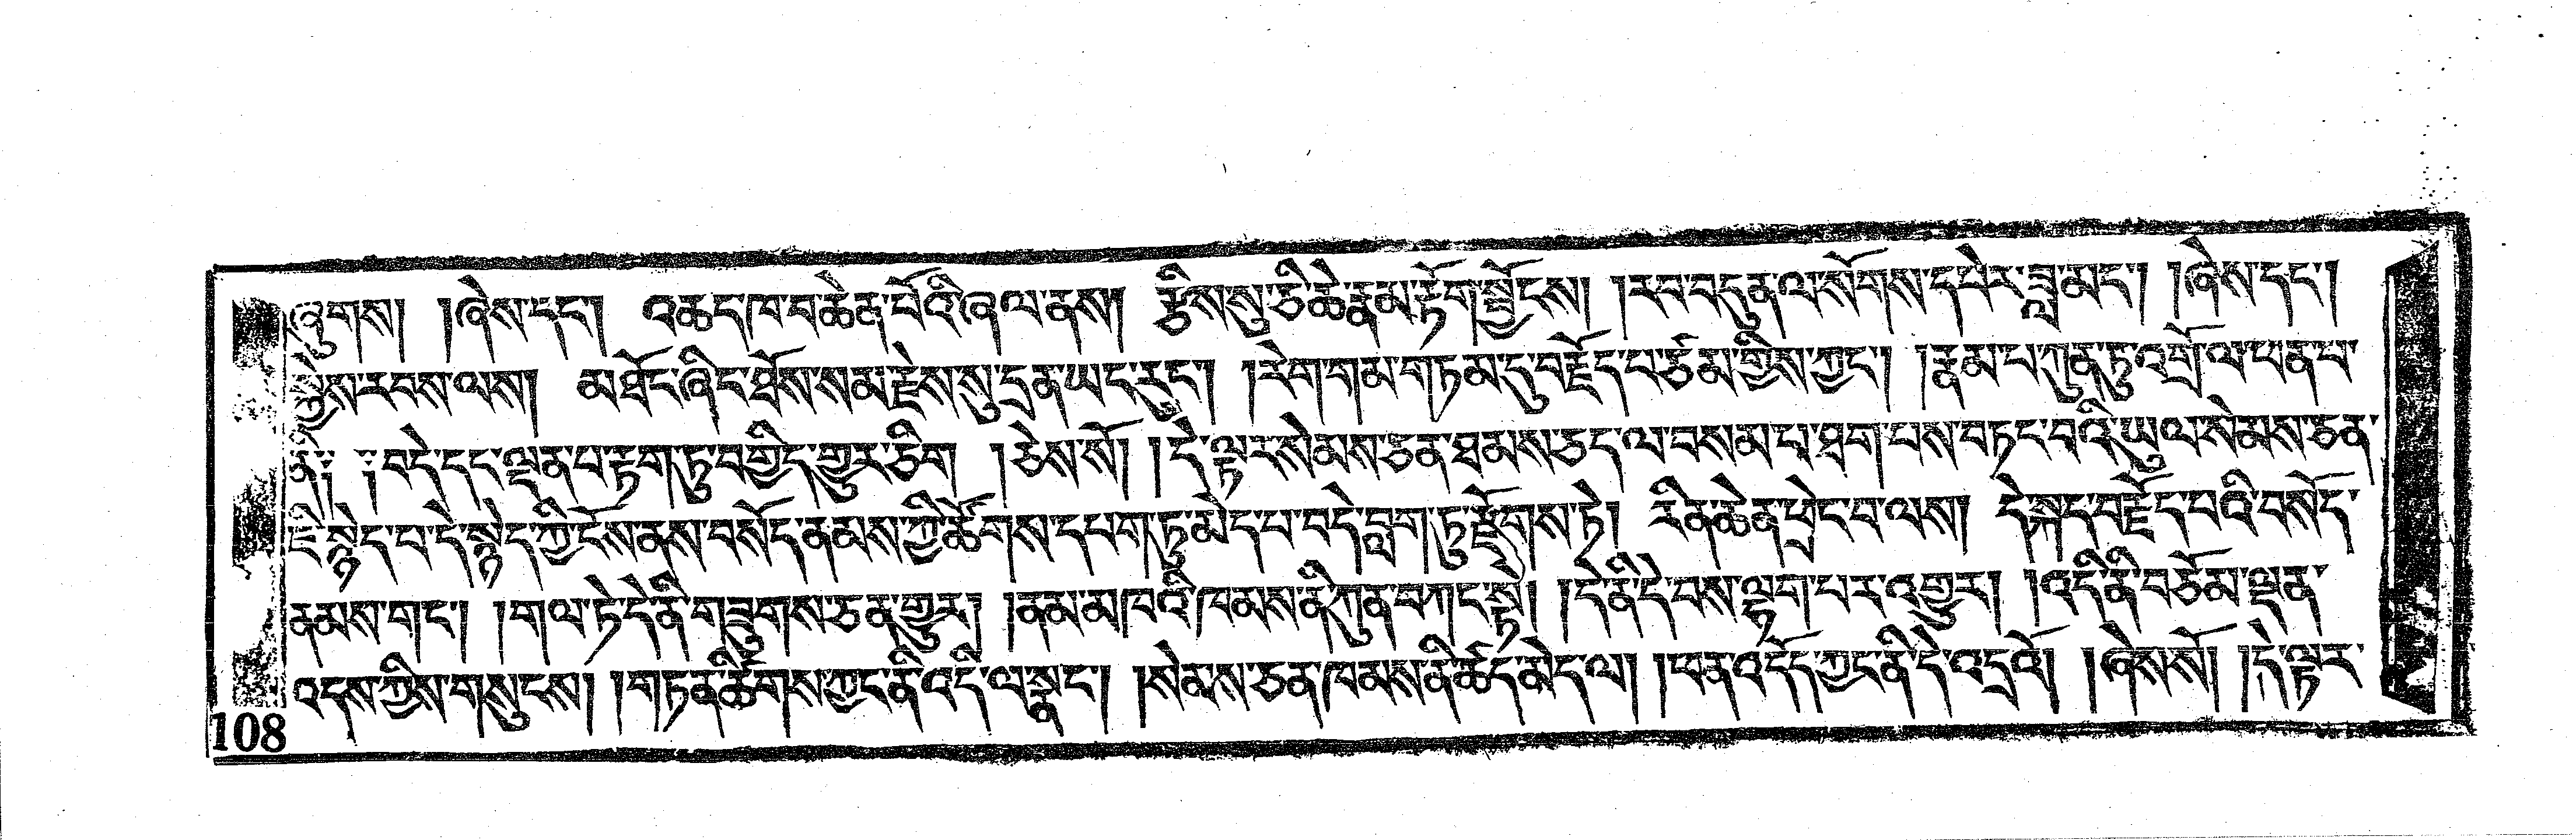ཞུགས། །ཞེས་དང་། འཆད་ཁ་བ་ཆེན་པོའི་ཞལ་ནས། རྩིས་སུ་ཅི་ཆེ་རྣམ་རྟོག་སྦྱོངས། །རབ་བདུན་ལ་སོགས་དཔེར་ཟླ་མང་། །ཞེས་དང་།
སྐྱེས་རབས་ལས། མཐོང་ཞིང་ཐོས་སམ་རྗེས་སུ་དྲན་ཡང་རུང་། །རེག་གམ་གཏམ་དུ་བརྗོད་པ་ཙམ་གྱིས་ཀྱང་། །རྣམ་པ་ཀུན་ཏུ་འགྲོ་ལ་ཕན་པ་
ནི༑ ༑བདེ་དང་ལྡན་པ་རྟག་ཏུ་བགྱིད་གྱུར་ཅིག །ཅེས་སོ། །དེ་ལྟར་སེམས་ཅན་ཐམས་ཅད་ལ་བསམ་པ་ཐག་པས་བཏང་བའི་ཡུལ་སེམས་ཅན་
ཇི་སྙེད་པ་དེ་སྙེད་ཀྱི་ངོས་ནས་བསོད་ནམས་ཀྱི་ཚོགས་དཔག་ཏུ་མེད་པ་བདེ་བླག་ཏུ་རྫོགས་ཏེ། རིན་ཆེན་ཕྲེང་བ་ལས། དེ་སྐད་བརྗོད་པའི་བསོད་
ནམས་གང་། །གལ་ཏེ་དེ་ནི་གཟུགས་ཅན་གྱུར། །ནམ་མཁའི་ཁམས་ནི་ཀུན་བཀང་སྟེ། །དེ་ནི་དེ་བས་ལྷག་པར་འགྱུར། །འདི་ནི་བཅོམ་ལྡན་
འདས་ཀྱིས་གསུངས། །གཏན་ཚིགས་ཀྱང་ནི་འདི་ལ་སྣང་། །སེམས་ཅན་ཁམས་ནི་ཚད་མེད་ལ། །ཕན་འདོད་ཀྱང་ནི་དེ་འདྲའོ། །ཞེས་སོ། །དེ་ལྟར་